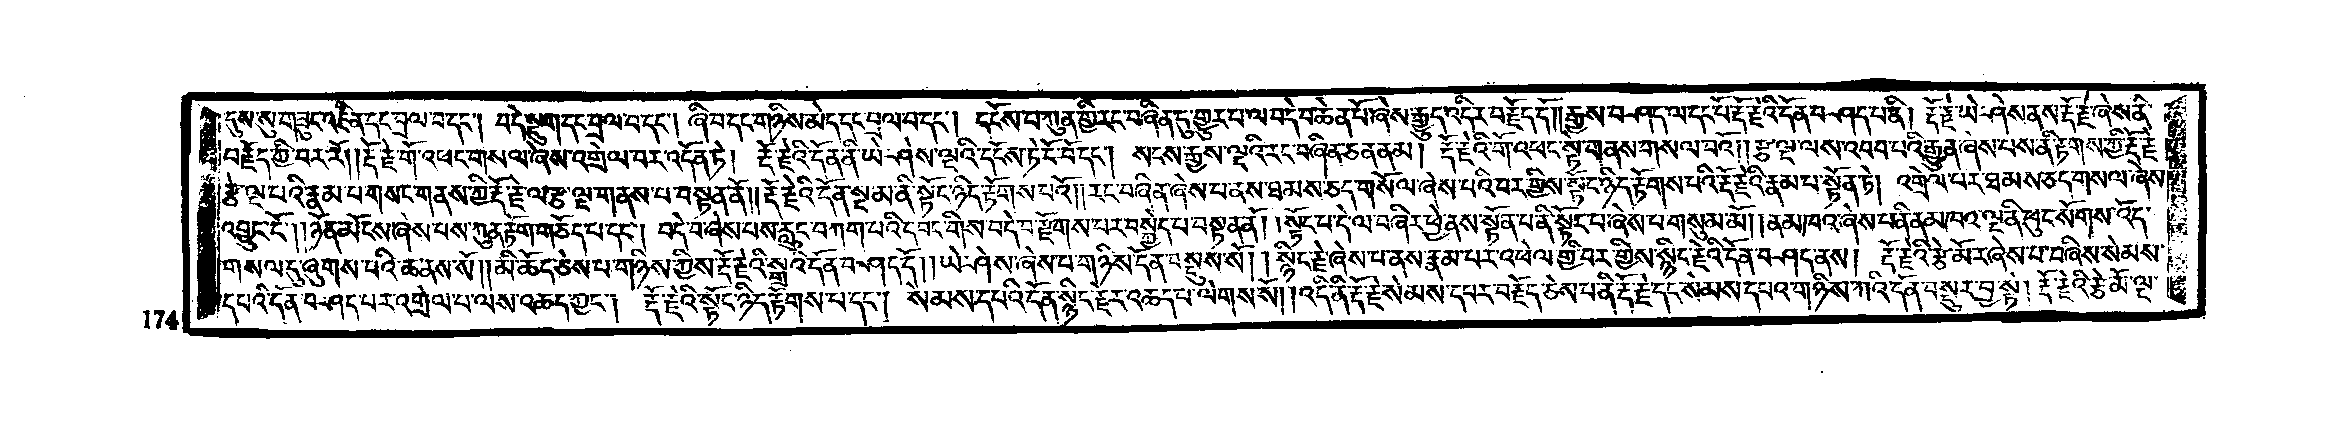དུས་སུ་གཟུང་འཛིན་དང་བྲལ་བ་དང་། བདེ་སྡུག་དང་བྲལ་བ་དང་། ཞི་བ་དང་གཉིས་མེད་དང་བྲལ་བ་དང་། དངོས་པ་ཀུན་གྱི་རང་བཞིན་དུ་གྱུར་པ་ལ་བདེ་བ་ཆེན་པོ་ཞེས་རྒྱུད་འདིར་བརྗོད་དོ། །རྒྱས་བཤད་ལ་དང་པོ་རྡོ་རྗེའི་དོན་བཤད་པ་ནི། རྡོ་རྗེ་ཡེ་ཤེས་ནས་རྡོ་རྗེ་ཞེས་ནི་
བརྗོད་ཀྱི་བར་རོ། །རྡོ་རྗེ་གོ་འཕང་གསལ་ཞེས་འགྲེལ་བར་འདོན་ཏེ། རྡོ་རྗེའི་དོན་ནི་ཡེ་ཤེས་ལྔའི་དངོས་ཏེ་ངོ་བོ་དང་། སངས་རྒྱས་ལྔའི་རང་བཞིན་ཅན་ནམ། རྡོ་རྗེའི་གོ་འཕང་སྟེ་གནས་གསལ་བའོ། །རྩ་ལྔ་ལས་འབབ་པའི་རྒྱུན་ཞེས་པས་ནི་རྟགས་ཀྱི་རྡོ་རྗེ་
རྩེ་ལྔ་པའི་རྣམ་པ་གསང་གནས་ཀྱི་རྡོ་རྗེ་ལ་རྩ་ལྔ་གནས་པ་བསྟན་ནོ། །རྡོ་རྗེའི་དོན་སྔ་མ་ནི་སྟོང་ཉིད་རྟོགས་པའོ། །རང་བཞིན་ཞེས་པ་ནས་ཐམས་ཅད་གསོལ་ཞེས་པའི་བར་གྱིས་སྟོང་ཉིད་རྟོགས་པའི་རྡོ་རྗེའི་རྣམ་པ་སྟོན་ཏེ། འགྲེལ་པར་ཐམས་ཅད་གསལ་ཞེས་འབྱུང་ངོ། །ཉོན་མོངས་ཞེས་པས་ཀུན་རྟོག་གཅོད་པ་དང་། བདེ་བ་ཞེས་པས་རླུང་བཀག་པའི་དབང་གིས་བདེ་བ་རྫོགས་པར་བསྐྱེད་པ་བསྟན་ནོ། །སྟོང་པ་དེ་ལ་བཞིར་ཕྱེ་ནས་སྟོན་པ་ནི་སྟོང་པ་ཞེས་པ་གསུམ་མོ། །ནམ་མཁའ་ཞེས་པ་ནི་ནམ་མཁའ་ལྔ་ནི་ཕུང་སོགས་འོད་
གསལ་དུ་ཞུགས་པའི་ཆ་ནས་སོ། །མི་ཆོད་ཅེས་པ་གཉིས་ཀྱིས་རྡོ་རྗེའི་སྒྲའི་དོན་བཤད་དོ། །ཡེ་ཤེས་ཞེས་པ་གཉིས་དོན་བསྡུས་སོ། །སྙིང་རྗེ་ཞེས་པ་ནས་རྣམ་པར་འཕེལ་གྱི་བར་གྱིས་སྙིང་རྗེའི་དོན་བཤད་ནས། རྡོ་རྗེའི་རྩེ་མོར་ཞེས་པ་བཞིས་སེམས་
དཔའི་དོན་བཤད་པར་འགྲེལ་པ་ལས་འཆད་ཀྱང་། རྡོ་རྗེའི་སྟོང་ཉིད་རྟོགས་པ་དང་། སེམས་དཔའི་དོན་སྙིང་རྗེར་འཆད་པ་ལེགས་སོ། །འདི་ནི་རྡོ་རྗེ་སེམས་དཔར་བརྗོད་ཅེས་པ་ནི་རྡོ་རྗེ་དང་སེམས་དཔའ་གཉིས་ཀའི་དོན་བསྡུར་བྱ་སྟེ། རྡོ་རྗེའི་རྩེ་མོ་ལྔ་